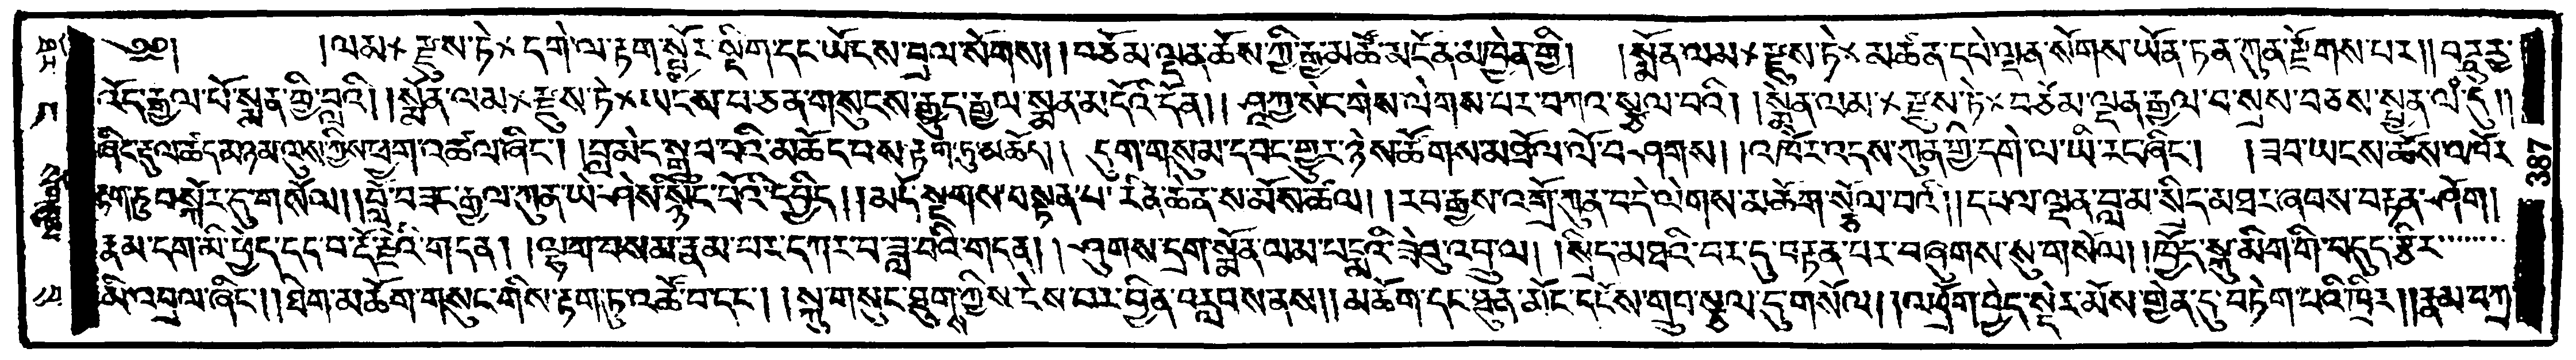༄༅། །ལམ་{྾}་རྫུས་ཏེ་{྾}་དགེ་ལ་རྟག་སྦྱོར་སྡིག་དང་ཡོངས་བྲལ་སོགས། །བཅོམ་ལྡན་ཆོས་ཀྱི་རྒྱ་མཚོ་མངོན་མཁྱེན་གྱི། །སྨོན་ལམ་{྾}་རྫུས་ཏེ་{྾}་མཚན་དཔེ་ལྡན་སོགས་ཡོན་ཏན་ཀུན་རྫོགས་པར། །བྜཱུརྱ་
འོད་རྒྱལ་པོ་སྨན་གྱི་བླའི། །སྨོན་ལམ་{྾}་རྫུས་ཏེ་{྾}་ཡངས་པ་ཅན་གསུངས་རྒྱུད་རྒྱལ་སྨན་མདོའི་དོན། །ཤཱཀྱ་སེང་གེས་ལེགས་པར་བཀའ་སྩལ་བའི། །སྨོན་ལམ་{྾}་རྫུས་ཏེ་{྾}་བཅོམ་ལྡན་རྒྱལ་བ་སྲས་བཅས་སྤྱན་ལཾ་དུ། །
ཞིང་རྡུལ་ཚད་མཉམ་ལུས་ཀྱིས་ཕྱག་འཚལ་ཞིང་། །བླ་མེད་སྒྲུབ་པའི་མཆོད་པས་རྟག་ཏུ་མཆོད། །དུག་གསུམ་དབང་གྱུར་ཉེས་ཚོགས་མཐོལ་ལོ་བཤགས། །འཁོར་འདས་ཀུན་གྱི་དགེ་ལ་ཡི་རང་ཞིང་། །ཟབ་ཡངས་ཆོས་འཁོར་
རྟག་ཏུ་བསྐོར་དུ་གསོལ། །བློ་བཟང་རྒྱལ་ཀུན་ཡེ་ཤེས་སྙིང་པོའི་དཔྱིད། །མདོ་སྔགས་བསྟན་པ་རིན་ཆེན་ས་མོས་ཚལ། །རབ་རྒྱས་འགྲོ་ཀུན་བདེ་ལེགས་མཆོག་སྩོལ་བའི། །དཔལ་ལྡན་བླ་མ་སྲིད་མཐར་ཞབས་བརྟན་ཤོག །
རྣམ་དག་མི་ཕྱེད་དད་བ་རྡོ་རྗེའི་གདན། །ལྷག་བསམ་རྣམ་པར་དཀར་བ་ཟླ་བའི་གདན། །ཤུགས་དྲག་སྨོན་ལམ་པདམའི་ཟེའུ་འབྲུ་ལ། །སྲིད་མཐའི་བར་དུ་བརྟན་པར་བཞུགས་སུ་གསོལ། །ཁྱོད་སྐུ་མིག་གི་བདུད་རྩིར་
མི་འབྲལ་ཞིང་། །ཐེག་མཆོག་གསུང་གིས་རྟག་ཏུ་འཚོ་བ་དང་། །སྐུ་གསུང་ཐུགས་ཀྱིས་ངེས་པར་བྱིན་བརླབས་ནས། །མཆོག་དང་ཐུན་མོང་དངོས་གྲུབ་སྩལ་དུ་གསོལ། །འཕྲོག་བྱེད་སྡེར་མོས་གྱེན་དུ་བཏེག་པའི་ཁྲིར། །རྣམ་བཀྲ་